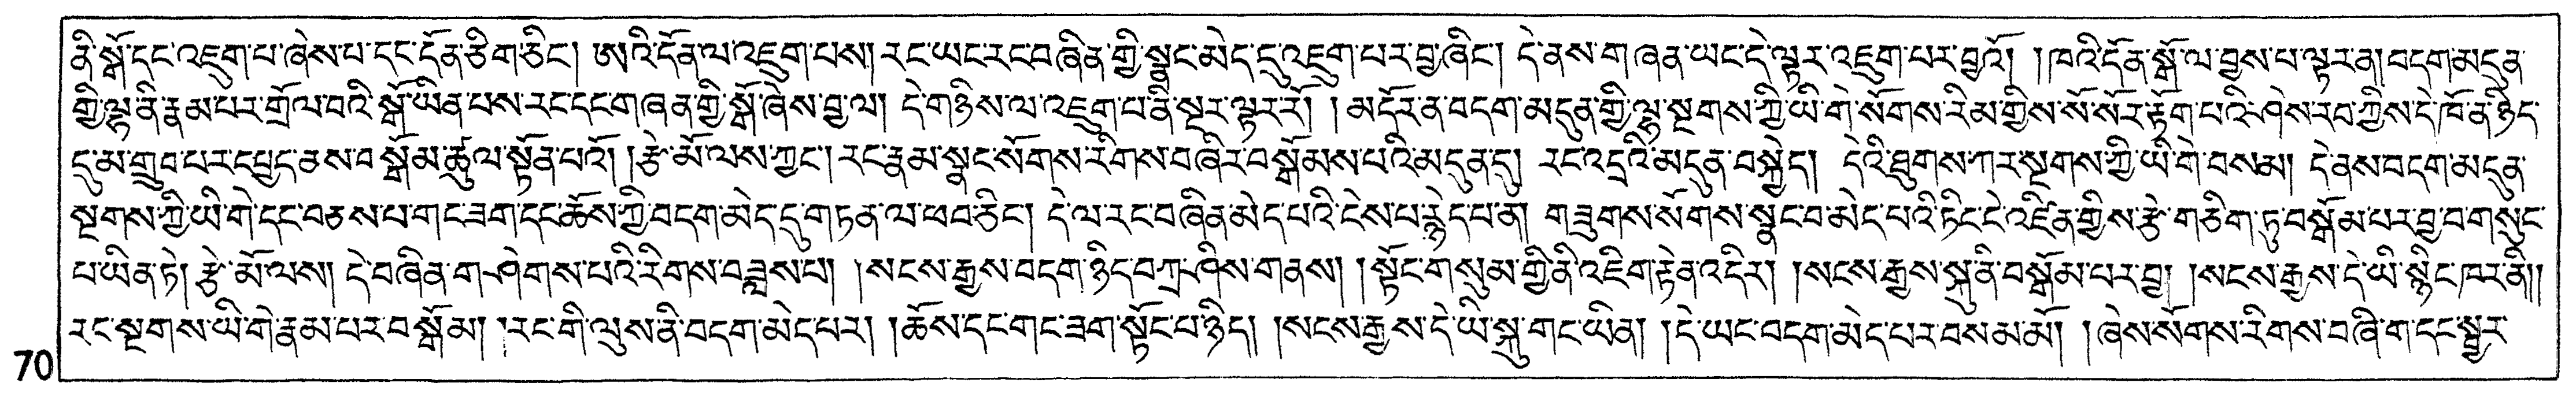ནི་སྒོ་དང་འཇུག་པ་ཞེས་པ་དང་དོན་ཅིག་ཅིང་། ཨཱི་དོན་ལ་འཇུག་པས། རང་ཡང་རང་བཞིན་གྱི་སྣང་མེད་དུ་འཇུག་པར་བྱ་ཞིང་། དེ་ནས་གཞན་ཡང་དེ་ལྟར་འཇུག་པར་བྱའོ། །ཁའི་དོན་སྒོ་ལ་བྱས་པ་ལྟར་ན། བདག་མདུན་
གྱི་ལྷ་ནི་རྣམ་པར་གྲོལ་བའི་སྒོ་ཡིན་པས་རང་དང་གཞན་གྱི་སྒོ་ཞེས་བྱ་ལ། དེ་གཉིས་ལ་འཇུག་པ་ནི་སྔར་ལྟར་རོ། །མདོར་ན་བདག་མདུན་གྱི་ལྷ་སྔགས་ཀྱི་ཡི་གེ་སོགས་རིམ་གྱིས་སོ་སོར་རྟོག་པའི་ཤེས་རབ་ཀྱིས་དེ་ཁོ་ན་ཉིད་
དུ་མ་གྲུབ་པར་དཔྱད་ནས་བསྒོམ་ཚུལ་སྟོན་པའོ། །རྩེ་མོ་ལས་ཀྱང་། རང་རྣམ་སྣང་སོགས་རིགས་བཞིར་བསྒོམས་པའི་མདུན་དུ། རང་འདྲའི་མདུན་བསྐྱེད། དེའི་ཐུགས་ཀར་སྔགས་ཀྱི་ཡི་གེ་བསམ། དེ་ནས་བདག་མདུན་
སྔགས་ཀྱི་ཡི་གེ་དང་བཅས་པ་གང་ཟག་དང་ཆོས་ཀྱི་བདག་མེད་དུ་གཏན་ལ་ཕབ་ཅིང་། དེ་ལ་རང་བཞིན་མེད་པའི་ངེས་པ་རྙེད་པ་ན། གཟུགས་སོགས་སྣང་བ་མེད་པའི་ཏིང་ངེ་འཛིན་གྱིས་རྩེ་གཅིག་ཏུ་བསྒོམ་པར་བྱ་བ་གསུང་
པ་ཡིན་ཏེ། རྩེ་མོ་ལས། དེ་བཞིན་གཤེགས་པའི་རིགས་བཟླས་པ། །སངས་རྒྱས་བདག་ཉིད་བཀྲ་ཤིས་གནས། །སྟོང་གསུམ་གྱི་ནི་འཇིག་རྟེན་འདིར། །སངས་རྒྱས་སྐུ་ནི་བསྒོམ་པར་བྱ། །སངས་རྒྱས་དེ་ཡི་སྙིང་ཁར་ནི། །
རང་སྔགས་ཡི་གེ་རྣམ་པར་བསྒོམ། །རང་གི་ལུས་ནི་བདག་མེད་པར། །ཆོས་དང་གང་ཟག་སྟོང་པ་ཉིད། །སངས་རྒྱས་དེ་ཡི་སྐུ་གང་ཡིན། །དེ་ཡང་བདག་མེད་པར་བསམ་མོ། །ཞེས་སོགས་རིགས་བཞི་ག་དང་སྦྱར་